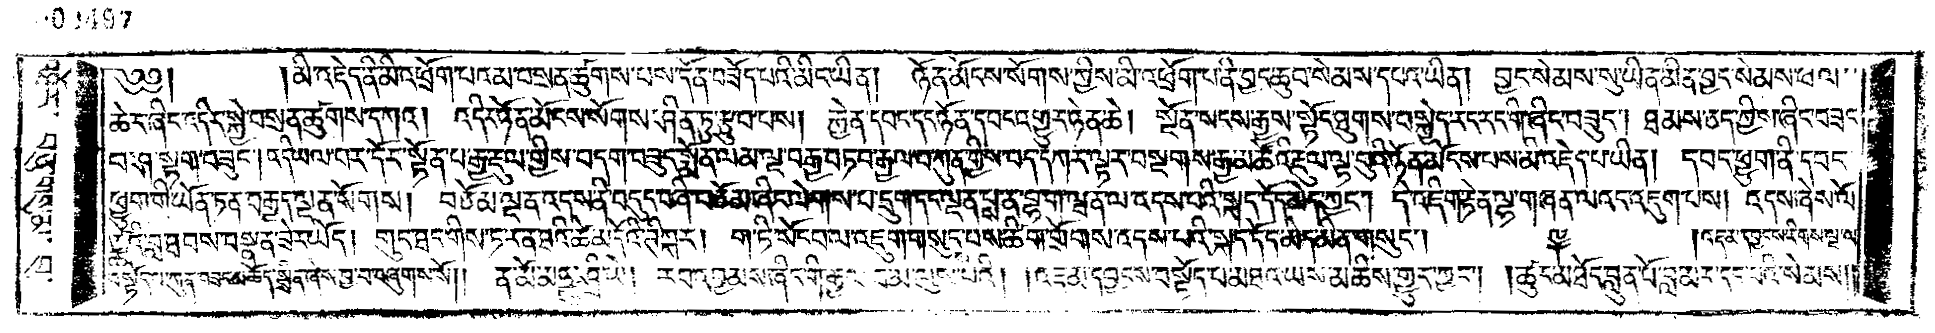༄༅། །མི་འཇེད་ནི་མི་འཕྲོག་པའམ་བསྲན་ཚུགས་པས་དོན་བཟོད་པའི་མིང་ཡིན། ཉོན་མོངས་སོགས་ཀྱིས་མི་འཕྲོག་པ་ནི་བྱང་ཆུབ་སེམས་དཔའ་ཡིན། བྱང་སེམས་སུ་ཡིན་མིན་བྱང་སེམས་ཕལ་
ཆེར་ཞིང་འདིར་སྐྱེ་བསྲན་ཚུགས་དཀའ། འདིར་ཉོན་མོངས་སོགས་ཤིན་ཏུ་རྩུབ་པས། རྐྱེན་དབང་དང་ཉོན་དབང་འགྱུར་ཉེན་ཆེ། སྔོན་སངས་རྒྱས་སྟོང་ཐུགས་བསྐྱེད་རང་རང་གི་ཞིང་བཟུང་། ཐམས་ཅད་ཀྱིས་ཞིང་བཟང་
བ་ཤ་སྟག་བཟུང་། འདི་ཡལ་བར་དོར་སྟོན་པ་རྒྱ་རྡུལ་གྱིས་བདག་བཟུང་སྨོན་ལམ་ལྔ་བརྒྱ་བཏབ་རྒྱལ་བ་ཀུན་གྱིས་པད་དཀར་ལྟར་བསྔགས་རྒྱ་མཚོའི་རྡུལ་ལྟ་བུའི་ཉོན་མོངས་པས་མི་འཇེད་པ་ཡིན། དབང་ཕྱུག་ནི་དབང་
ཕྱུག་གི་ཡོན་ཏན་བརྒྱད་ལྡན་སོགས། བཅོམ་ལྡན་འདས་ནི་བདུད་བཞི་བཅོམ་ཞིང་ལེགས་པ་དྲུག་དང་ལྡན་པས་ན་བྷ་ག་ཝན་ལ་འདས་པའི་སྐད་དོད་མེད་ཀྱང་། དེ་འཇིག་རྟེན་ལྷ་གཞན་ལའང་འཇུག་པས། འདས་ཞེས་ལོ་
ཙྪའི་བླ་ཐབས་བསྣན་ཟེར་ཡོད། གུང་ཐང་གིས་ཏ་ར་ན་ཐའི་ཚེ་མདོའི་ཊིཀྐར། ག་ཏི་སོང་བ་ལ་འཇུག་གསུངས་པས་ཚིག་གྲོགས་འདས་པའི་སྐད་དོད་མེད་མིན་གསུང་། ༈ །འཇམ་དབྱངས་རིགས་ལྔ་ལ་
བསྟོད་པ་ཀུན་བཟང་མཆོད་སྤྲིན་ཞེས་བྱ་བ་བཞུགས་སོ།། ན་མོ་མཉྫུ་ཤྲི་ཡེ། རབ་འབྱམས་ཞིང་གི་རྒྱལ་བ་མ་ལུས་པའི། །འཇམ་དབྱངས་བསྟོད་པ་མཐའ་ཡས་མཆིས་གྱུར་ཀྱང་། །ཚུར་མཐོང་བླུན་པོ་བླ་མར་དད་པའི་སེམས།།